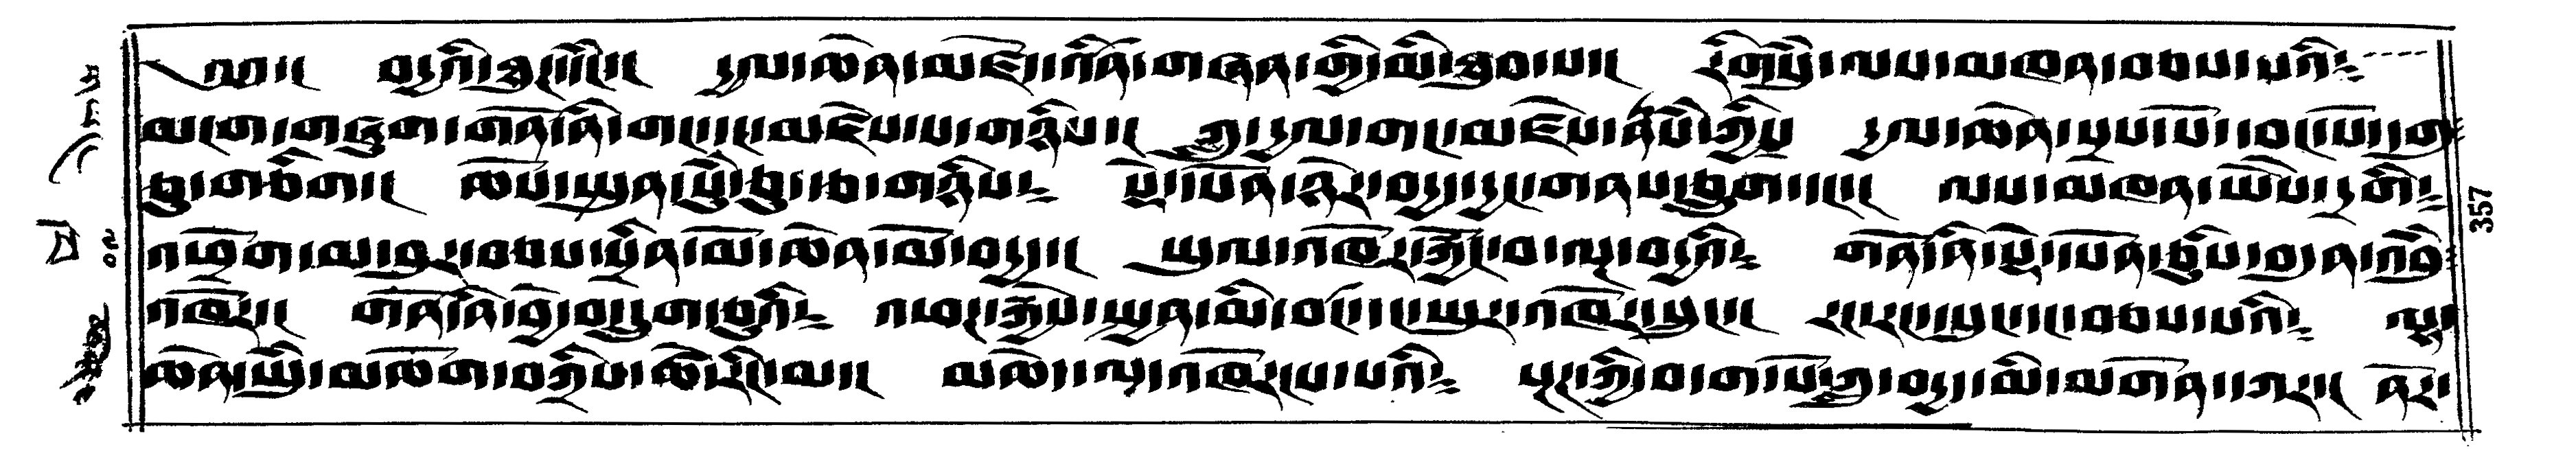བརྒྱའི༴ །རྒྱལ་ཆེན་མཛོད་འཛིན་གཞན་གྱི་མི་ཐུབ་པ། །རིགས་གསུམ་ལས་མཁན་བཅས་པའི༴ 
མངག་གཞུག་གནོད་སྦྱིན་གང་དང་མཛེས་པ་གཉིས། །ཀླུ་རྒྱལ་གང་མཛེས་རྣམས་ཀྱི༴ །རྒྱལ་ཆེན་སྲས་པོའི་དབང་པོ་དགུ་
ཅུ་གཅིག །མཆེད་སྤུན་སུམ་ཅུ་རྩ་གཉིས༴ སྡེ་དཔོན་ཉེར་བརྒྱད་རྒྱང་གནས་ཅུ་དྲུག་དང་། །ལས་མཁན་ཡེ་ཤེས་གྲགས་ཀྱི༴ 
འཕྲོག་མ་བུར་བཅས་སྲིན་མོ་ཆེན་མོ་བརྒྱད། །ཡུལ་འཁཽར་སྐྱོང་བ་ལྔ་བརྒྱའི༴ གནོད་སྦྱིན་སྡེ་དཔོན་བཅུ་གཉིས་བདུན་འབུམ་
འཁོར། །གནོད་སྦྱིན་བྱེ་བ་དྲུག་ཅུའི༴ འཕགས་སྐྱེས་སྤྱན་མི་བཟང་དང་ཡུལ་འཁོར་སྲུང་། །རང་རང་དཔུང་དང་བཅས་པའི༴ ལྷ་
ཆེན་ཡུམ་མཆོག་བཀྲ་ཤིས་ཚེ་རིང་མ། །མཆེད་ལྔ་འཁོར་དང་བཅས་པའི༴ སྔགས་ཀྱི་བདག་པོ་ཀླུ་བརྒྱད་མི་མགོན་དཀར། །ནོར་